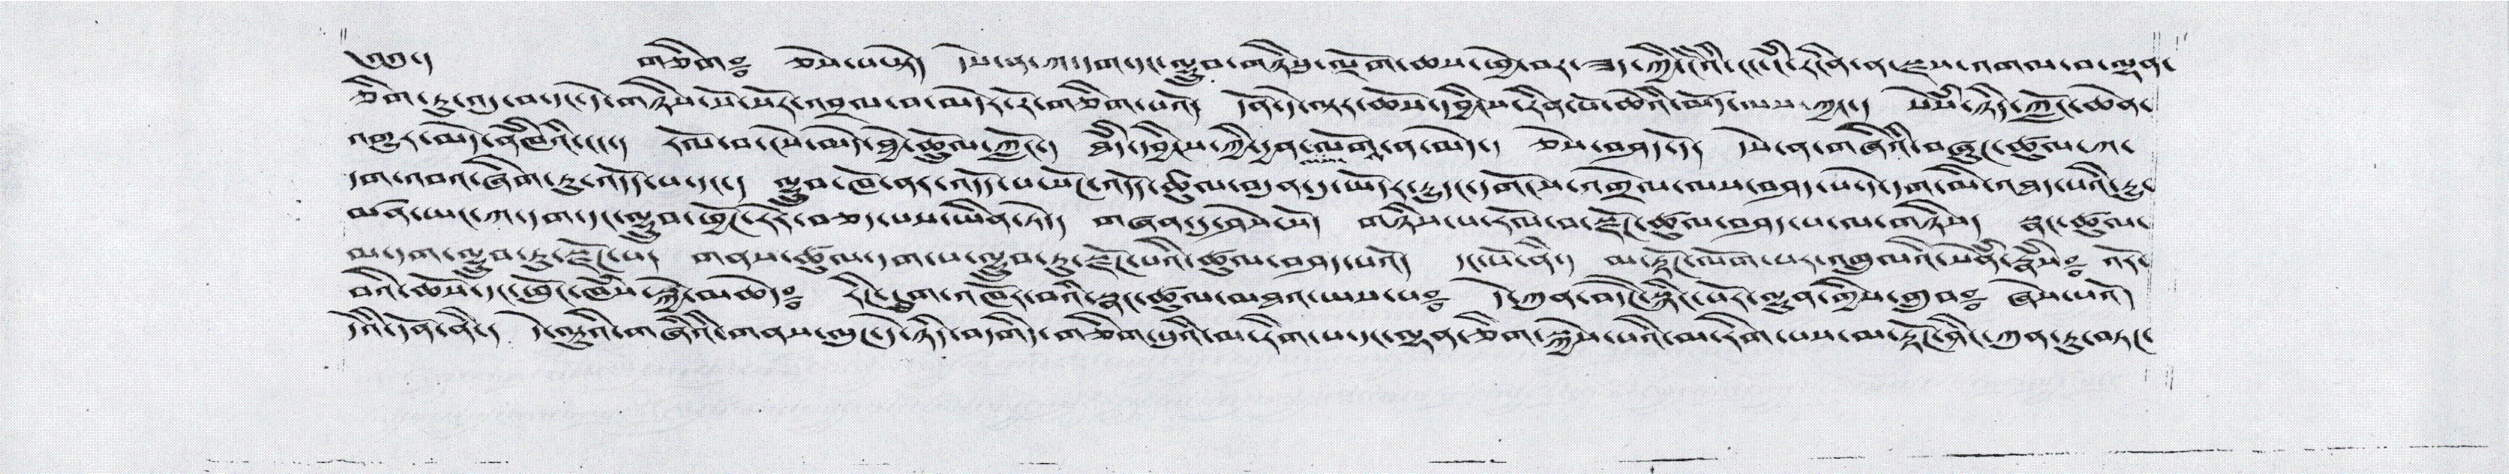གཅིགཿ ཅེས་པ་སྟེ། དེས་ན་ཀ་དག་དང་ལྷུན་གྲུབ་གཉིས་ལྡོག་ཆས་ཕྱེ་བར་ཟད་ཀྱི་ངོ་བོའི་ངང་ངམ་རང་བཞིན་ན་རྫས་འགལ་བ་ལྷན་
ཅིག་ཏུ་འདུ་བ་དང་དེ་གཉིས་སོ་སོར་འབྲལ་བ་མེད་པར་རོ་གཅིག་པའོ། དོན་དེ་ལྟར་ཆོས་དབྱིངས་རིན་པོ་ཆེའི་མཛོད་ལས་ཀྱང་། སེམས་ཉིད་ཀློང་ཆེན་
འགྱུར་མེད་ནམ་མཁའི་ངང་། རོལ་པ་འགག་མེད་ཐུགས་རྗེ་ཆོ་འཕྲུལ་ཀློང་། ཐམས་ཅད་དབྱིངས་ཀྱི་རྒྱན་ལས་ལོགས་ན་མེད། ཅེས་བཤཛ་དོ། དེས་ན་གཞིའི་བཞུགས་ཚུལ་ཀ་
དག་འབའ་ཞིག་ཏུ་འདོད་པ་དང་། ལྷུན་གྲུབ་ཁོ་ནར་འདོད་པ་སོགས་འདོད་ཚུལ་བདུན་དུ་ཡོད་པར་རྒྱུད་དང་དགོངས་འགྲེལ་ལས་བཤད་པ་དེ་དག་མི་འཐད་པའི་རྒྱུ་
མཚན་ཡང་ཀ་དག་དང་ལྷུན་གྲུབ་ཕྱོགས་རེར་བཅད་པས་ཡིན་ཏེ་གཞན་དུ་ཤེས་སོ། གཉིས་པ་རོལ་པ་རྫོགས་ཚུལ་བཤད་པ་ལ་གཉིས། སྣང་ཚུལ་
མ་དག་ལྷུན་གྲུབ་ཏུ་རྫོགས་པ། གནས་ཚུལ་དག་པ་ལྷུན་གྲུབ་ཏུ་རྫོགས་པའི་ཚུལ་བཤད་པའོ། དང་པོ་ནི། མ་རྟོགས་ལོག་པར་འཁྲུལ་པའི་སེམས་ཅན་རྣམསཿ འཁོར་
བའི་ཆོས་དང་ཕུང་པོ་ཁམས་སྐྱེ་མཆེདཿ རིགས་དྲུག་འཁོར་བའི་སྣང་ཚུལ་མཐའ་ཡས་པཿ དེ་ཀུན་བདེར་གཤེགས་སྙིང་པོར་ལྷུན་གྱིས་གྲུབཿ ཞེས་པའོ། 
དེའི་དོན་ནི། དེ་ལྟ་བུའི་གཞིའི་གནས་ལུགས་དེ་ནི་བདག་ཉིད་གཅིག་པུའི་མ་རིག་པ་དང་ལྷན་ཅིག་སྐྱེས་པའི་མ་རིག་པས་མ་རྟོགས་ཤིང་ཀུན་ཏུ་བཏགས་